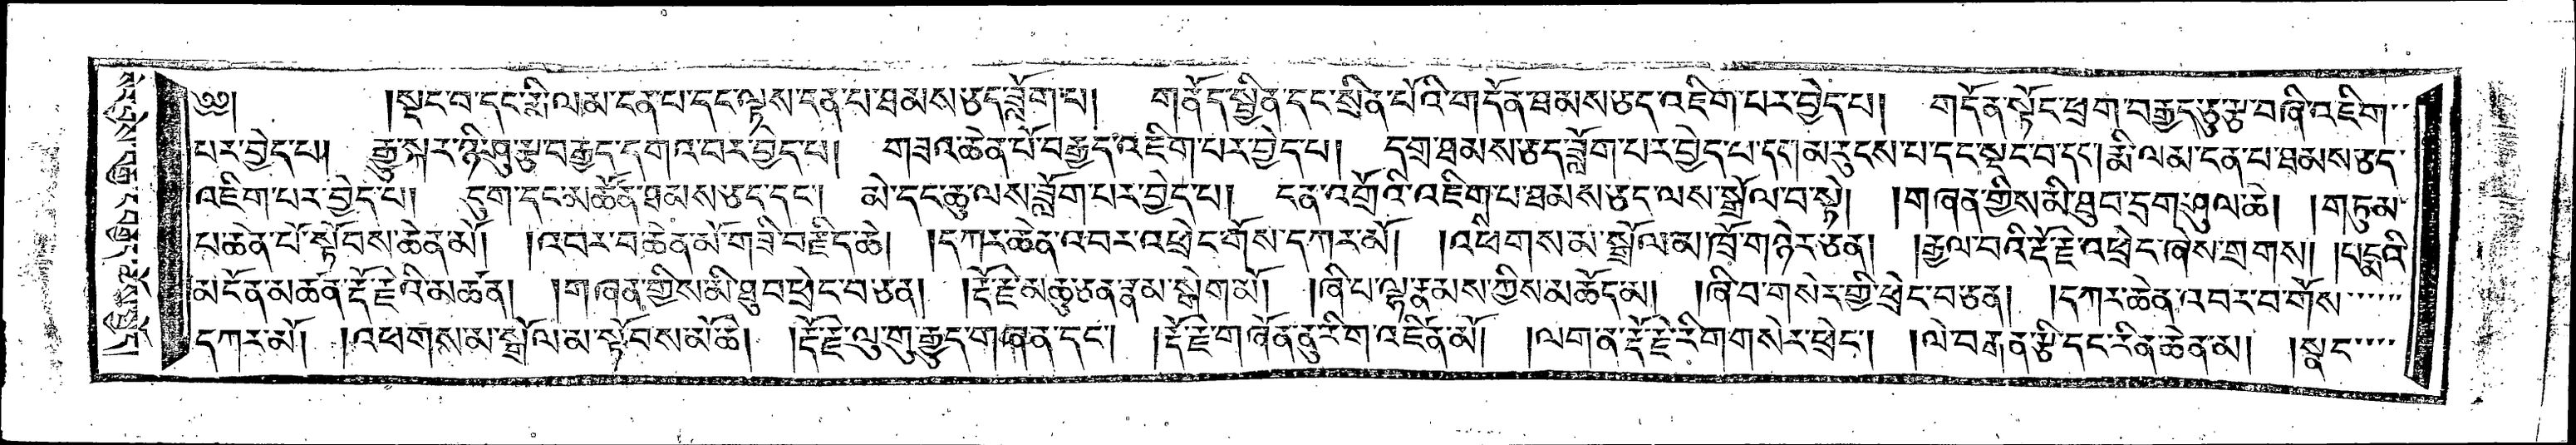༄༅། །སྡང་བ་དང་རྨི་ལམ་ངན་པ་དང་ལྟས་ངན་པ་ཐམས་ཅད་ཟློག་པ། གནོད་སྦྱིན་དང་སྲིན་པོའི་གདོན་ཐམས་ཅད་འཇིག་པར་བྱེད་པ། གདོན་སྟོང་ཕྲག་བརྒྱད་ཅུ་རྩ་བཞི་འཇིག་
པར་བྱེད་པ། རྒྱུ་སྐར་ཉི་ཤུ་རྩ་བརྒྱད་དགའ་བར་བྱེད་པ། གཟའ་ཆེན་པོ་བརྒྱད་འཇིག་པར་བྱེད་པ། དགྲ་ཐམས་ཅད་ཟློག་པར་བྱེད་པ་དང་། མ་རུངས་པ་དང་སྡང་བ་དང་། རྨི་ལམ་ངན་པ་ཐམས་ཅད་
འཇིག་པར་བྱེད་པ། དུག་དང་མཚོན་ཐམས་ཅད་དང་། མེ་དང་ཆུ་ལས་ཟློག་པར་བྱེད་པ། ངན་འགྲོའི་འཇིགས་པ་ཐམས་ཅད་ལས་སྒྲོལ་བ་སྟེ། །གཞན་གྱིས་མི་ཐུབ་དྲག་ཤུལ་ཆེ། །གཏུམ་
པ་ཆེན་པོ་སྟོབས་ཆེན་མོ། །འབར་བ་ཆེན་མོ་གཟི་བརྗིད་ཆེ། །དཀར་ཆེན་འབར་འཕྲེང་གོས་དཀར་མོ། །འཕགས་མ་སྒྲོལ་མ་ཁྲོ་གཉེར་ཅན། །རྒྱལ་བའི་རྡོ་རྗེ་འཕྲེང་ཞེས་གྲགས། །པདམའི་
མངོན་མཚན་རྡོ་རྗེའི་མཚན། །གཞན་གྱིས་མི་ཐུབ་ཕྲེང་བ་ཅན། །རྡོ་རྗེ་མཆུ་ཅན་རྣམ་སྒེག་མོ། །ཞི་པ་ལྷ་རྣམས་ཀྱིས་མཆོད་མ། །ཞི་བ་གསེར་གྱི་ཕྲེང་བ་ཅན། །དཀར་ཆེན་འབར་བ་གོས་
དཀར་མོ། །འཕགས་མ་སྒྲོལ་མ་སྟོབས་མོ་ཆེ། །རྡོ་རྗེ་ལུ་གུ་རྒྱུད་གཞན་དང་། །རྡོ་རྗེ་གཞོན་ནུ་རིག་འཛིན་མོ། །ལག་ན་རྡོ་རྗེ་རིག་གསེར་ཕྲེང་། །ལེ་བརྒན་རྩི་དང་རིན་ཆེན་མ། །སྣང་